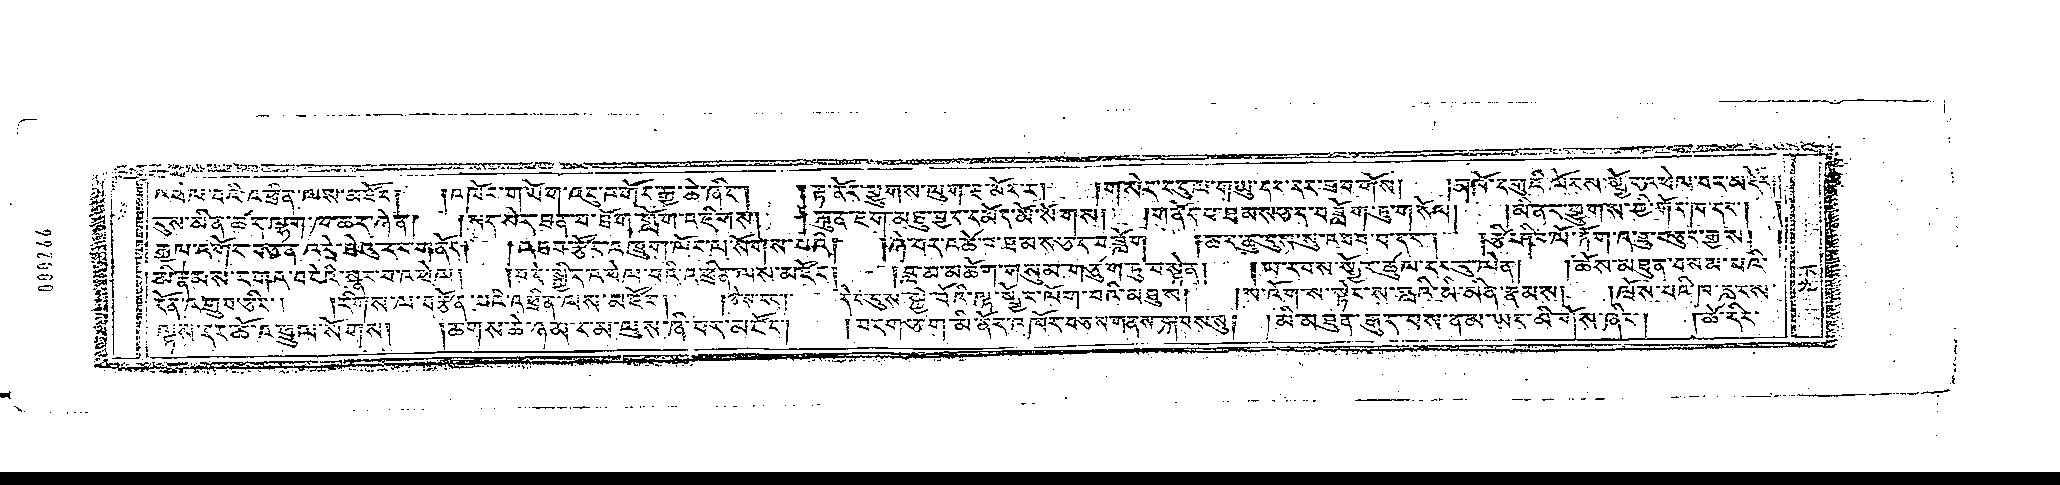འཕེལ་བའི་འཕྲིན་ལས་མཛོད། །འཁོར་གཡོག་འདུ་འགོད་རྒྱ་ཆེ་ཞིང་། །རྟ་ནོར་ཕྱུགས་ལུག་རྡ་མོང་ར། །གསེར་དངུལ་གཡུ་དང་དར་ཟབ་གོས། །མཁོ་དགུའི་ལོངས་སྤྱོད་འཕེལ་བར་མཛོད།།
དུས་མིན་ཚད་ལྷག་ཁ་ཆར་ཉེན། །སད་སེར་ཐན་པ་ཐོག་གློག་འཇིགས། །རྐུན་ཇག་མཐུ་བྱད་དམོད་མོ་སོགས། །གནོད་པ་ཐམས་ཅད་བཟློག་ཏུ་གསོལ། །མི་ནད་ཕྱུགས་ཀྱི་གོད་ཁ་དང་། །
རྒྱལ་འགོང་བཙན་འདྲེ་ཐེའུ་རང་གནོད། །འཐབ་རྩོད་འཁྲུག་ལོང་ལ་སོགས་པའི། །ཉེ་བར་འཚེ་བ་ཐམས་ཅད་བཟློག །ཆར་ཆུ་དུས་སུ་འབབ་པ་དང་། །རྩི་ཤིང་ལོ་ཏོག་འབྲུ་བཅུད་རྒྱས། །
མི་རྣམས་དགའ་བདེའི་སྣང་བ་འཕེལ། །བདེ་སྐྱིད་འཕེལ་བའི་འཕྲིན་ལས་མཛོད། །བླ་མ་མཆོག་གསུམ་གཙུག་ཏུ་བསྟེན། །ཡར་བས་སྤྱོད་ཚུལ་དང་དུ་ལེན། །ཆོས་མཐུན་བསམ་པའི་
དོན་འགྲུབ་ཅིང་། །རིགས་ལ་བརྩོན་པའི་འཕྲིན་ལས་མཛོད། །ཅེས་དང་། དེང་དུས་སྐྱེ་པོའི་ལྟ་སྤྱོད་ལོག་པའི་མཐུས། །ས་འོག་ས་སྟེངས་བླའི་མི་མིན་རྣམས། །ཁྲོས་པའི་ཁ་རླངས་
ལྟས་དང་ཆོ་འཕྲུལ་སོགས། །ཆགས་ཆེ་ཉམ་ང་མ་ལུས་ཞི་བར་མཛོད། །བདག་ཅག་མི་ནོར་འཁོར་བཅས་གནས་སྐབས་སུ། །མི་མཐུན་རྒུད་པས་ནམ་ཡང་མི་གོས་ཞིང་། །ཚེ་རིང་